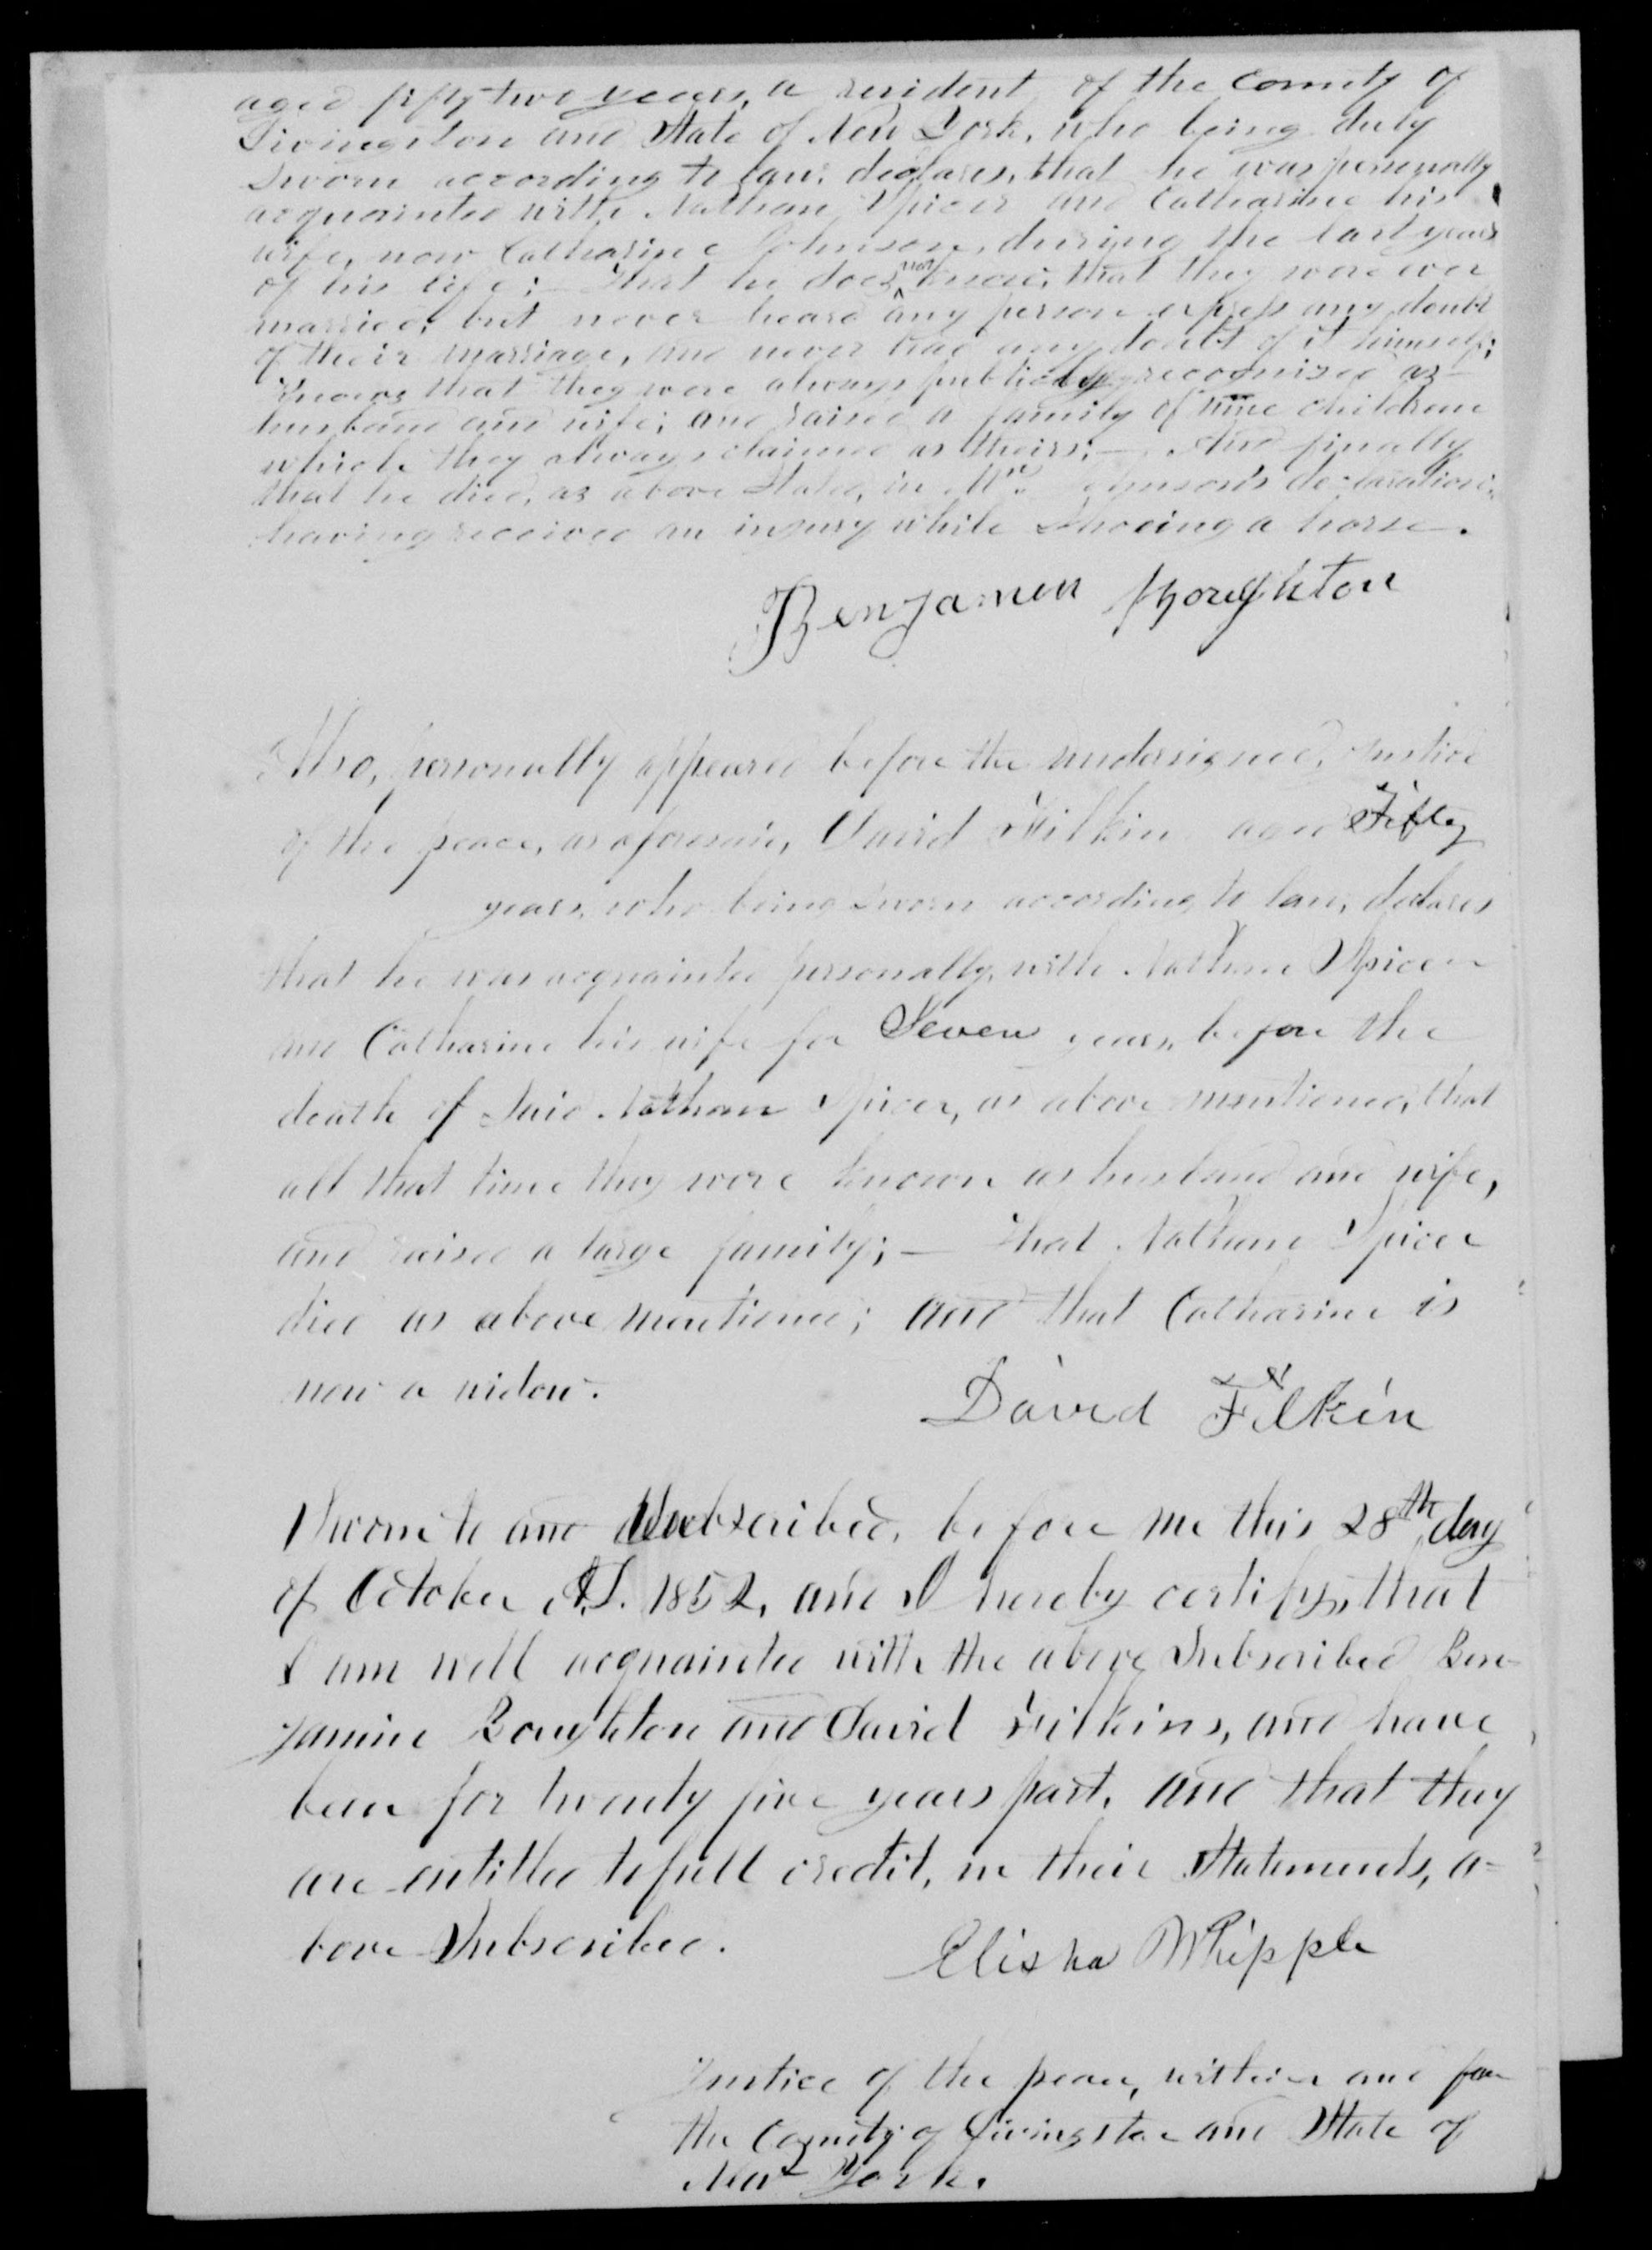aged fifty two years, a resident of the County of Livingston and State of New York, who being duly sworn according to law, declares, that he was personally acquainted with Nathan Spicer and Catharine his wife, now Catharine Johnson, during the last years of his life; that he does not know that they were ever married, but never heard any person express any doubt of their marriage, and never had any doubt of it himself. Knows that they were always publicly recognized as husband and wife; and raised a family of nine children which they always claimed as theirs; And finally that he died, as above stated, in Wm. Johnson's declaration having received an injury while shoeing a horse.
Benjamin Boughton

 [illegible], personally appeared before the undersigned, Justice of the Peace, aforesaid, David Filkin aged fifty years, who being sworn according to law, declares that he was acquainted personally with Nathan Spicer and Catharine his wife for seven years, before the death of said Nathan Spicer, as above mentioned, that all that time they were known as husband and wife, and raised a large family; that Nathan Spicer died as above mentioned; and that Catharine is now a widow.
David Filkin

Sworn to and subscribed, before me this 28th day of October A.D. 1852, and I hereby certify that I am well acquainted with the above subscribed Benejamin Boughton and David Filkins, and have been for twenty five years past, and that they are entitled to full credit, in their statements, above subscribed.
Elisha Whipple
Justice of the peace, within and for the County of Livingston and State of New York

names: Catharine [BLANK]; Nathan Spicer; David Filkin; Catharine [BLANK]; Elisha Whipple; Nathan Spicer; Nathan Spicer; Catharine [BLANK]; Benjamin Boughton; David Filkin; Benjamin Boughton; David Filkins; Catharine Johnson; Nathan Spicer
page: 5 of 33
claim: rejected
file: R. 5603, for Nathan Spicer, New York